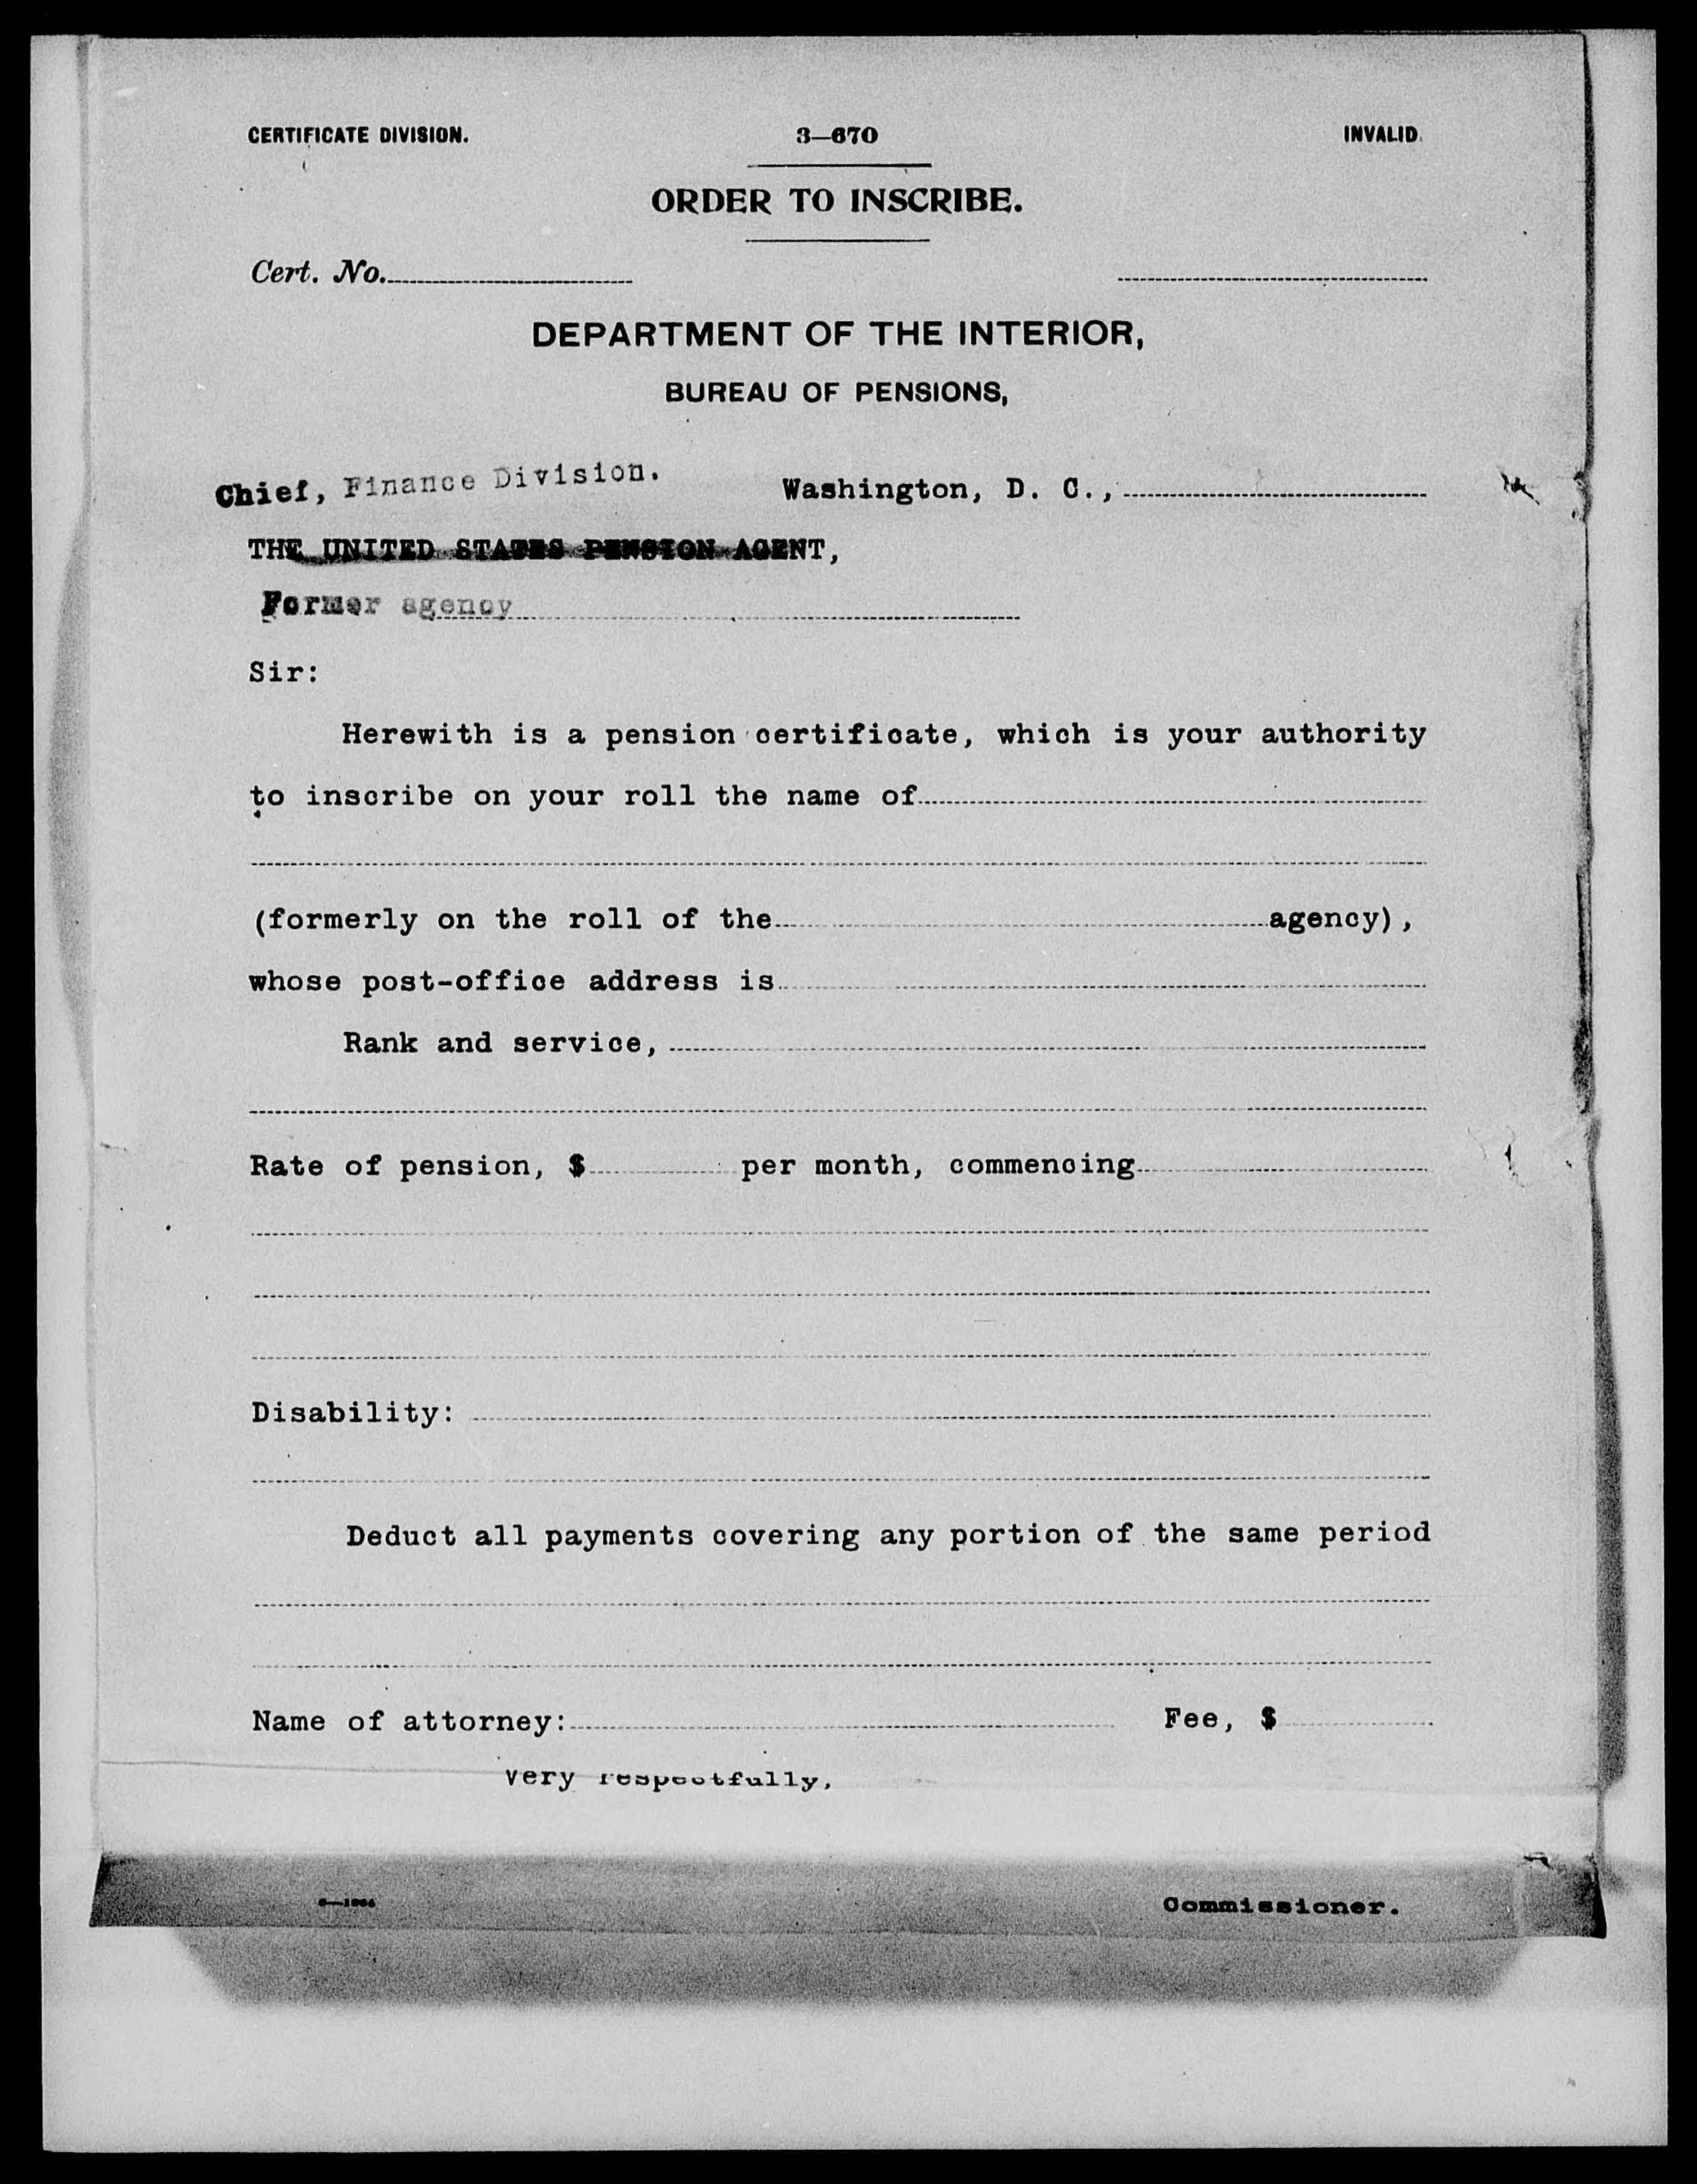CERTIFICATE DIVISION.
3-670
INVALID.

ORDER TO INSCRIBE.

Cert. No.

DEPARTMENT OF THE INTERIOR,
BUREAU OF PENSIONS,

Chief, Finance Division.
Washington, D. C.,
THE UNITED STATES PENSION AGENT,
Former agency

Sir:

Herewith is a pension certificate, which is your authority to inscribe on your roll the name of   (formerly on the roll of the    agency), whose post-office address is

Rank and service,

Rate of pension, $   per month, commencing

Disabiity:

Deduct all payments covering any portion of the same period

Name of attorney:   Fee, $

Very respectfully,

Commissioner.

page: 18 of 21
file: Old War Inv. File 26332, for John Parker, Other